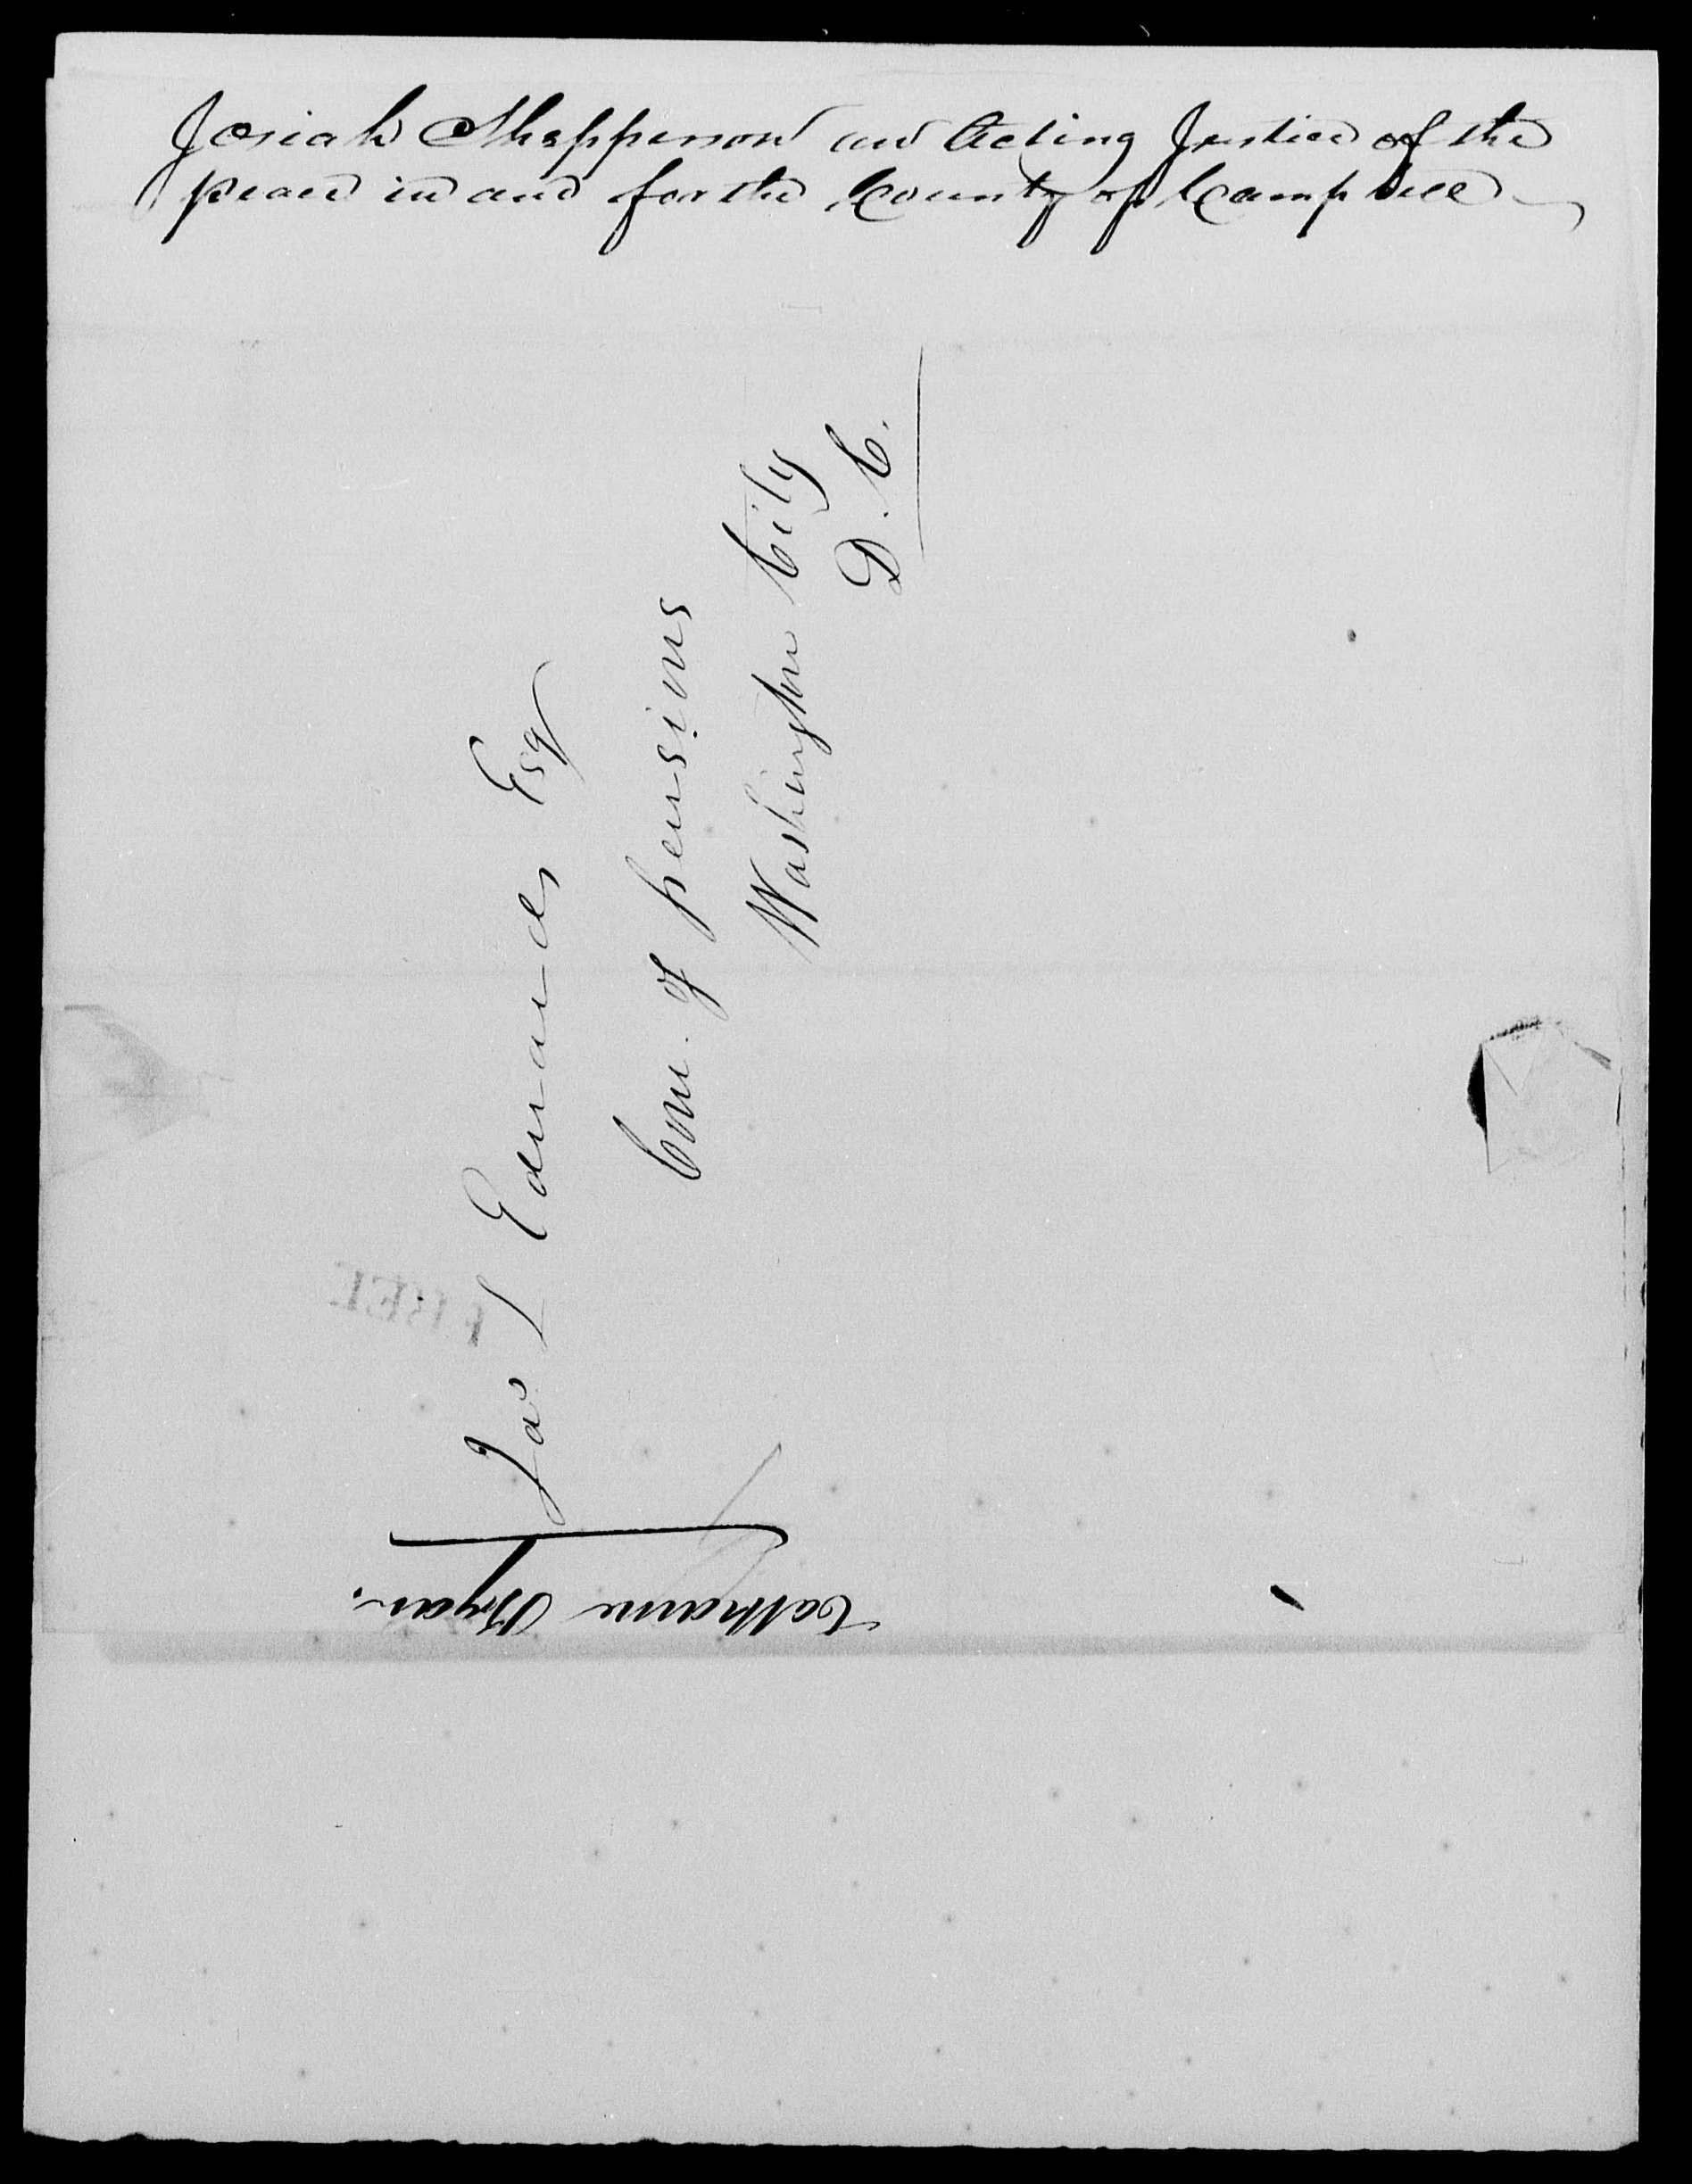Josiah Shepperson [illegible] Acting Justice of the Peace in and for the County of Campbell 

[sideways text] Jas L Edwards Esq 
Comm of Pensions
Washington City
[underlined] D.C.

[underlined] Catherine Bryan.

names: Jas L Edwards, Catharne Bryan, Josiah Shepperson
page: 26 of 31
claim: widow's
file: W. 3759, John Bryan, Va.